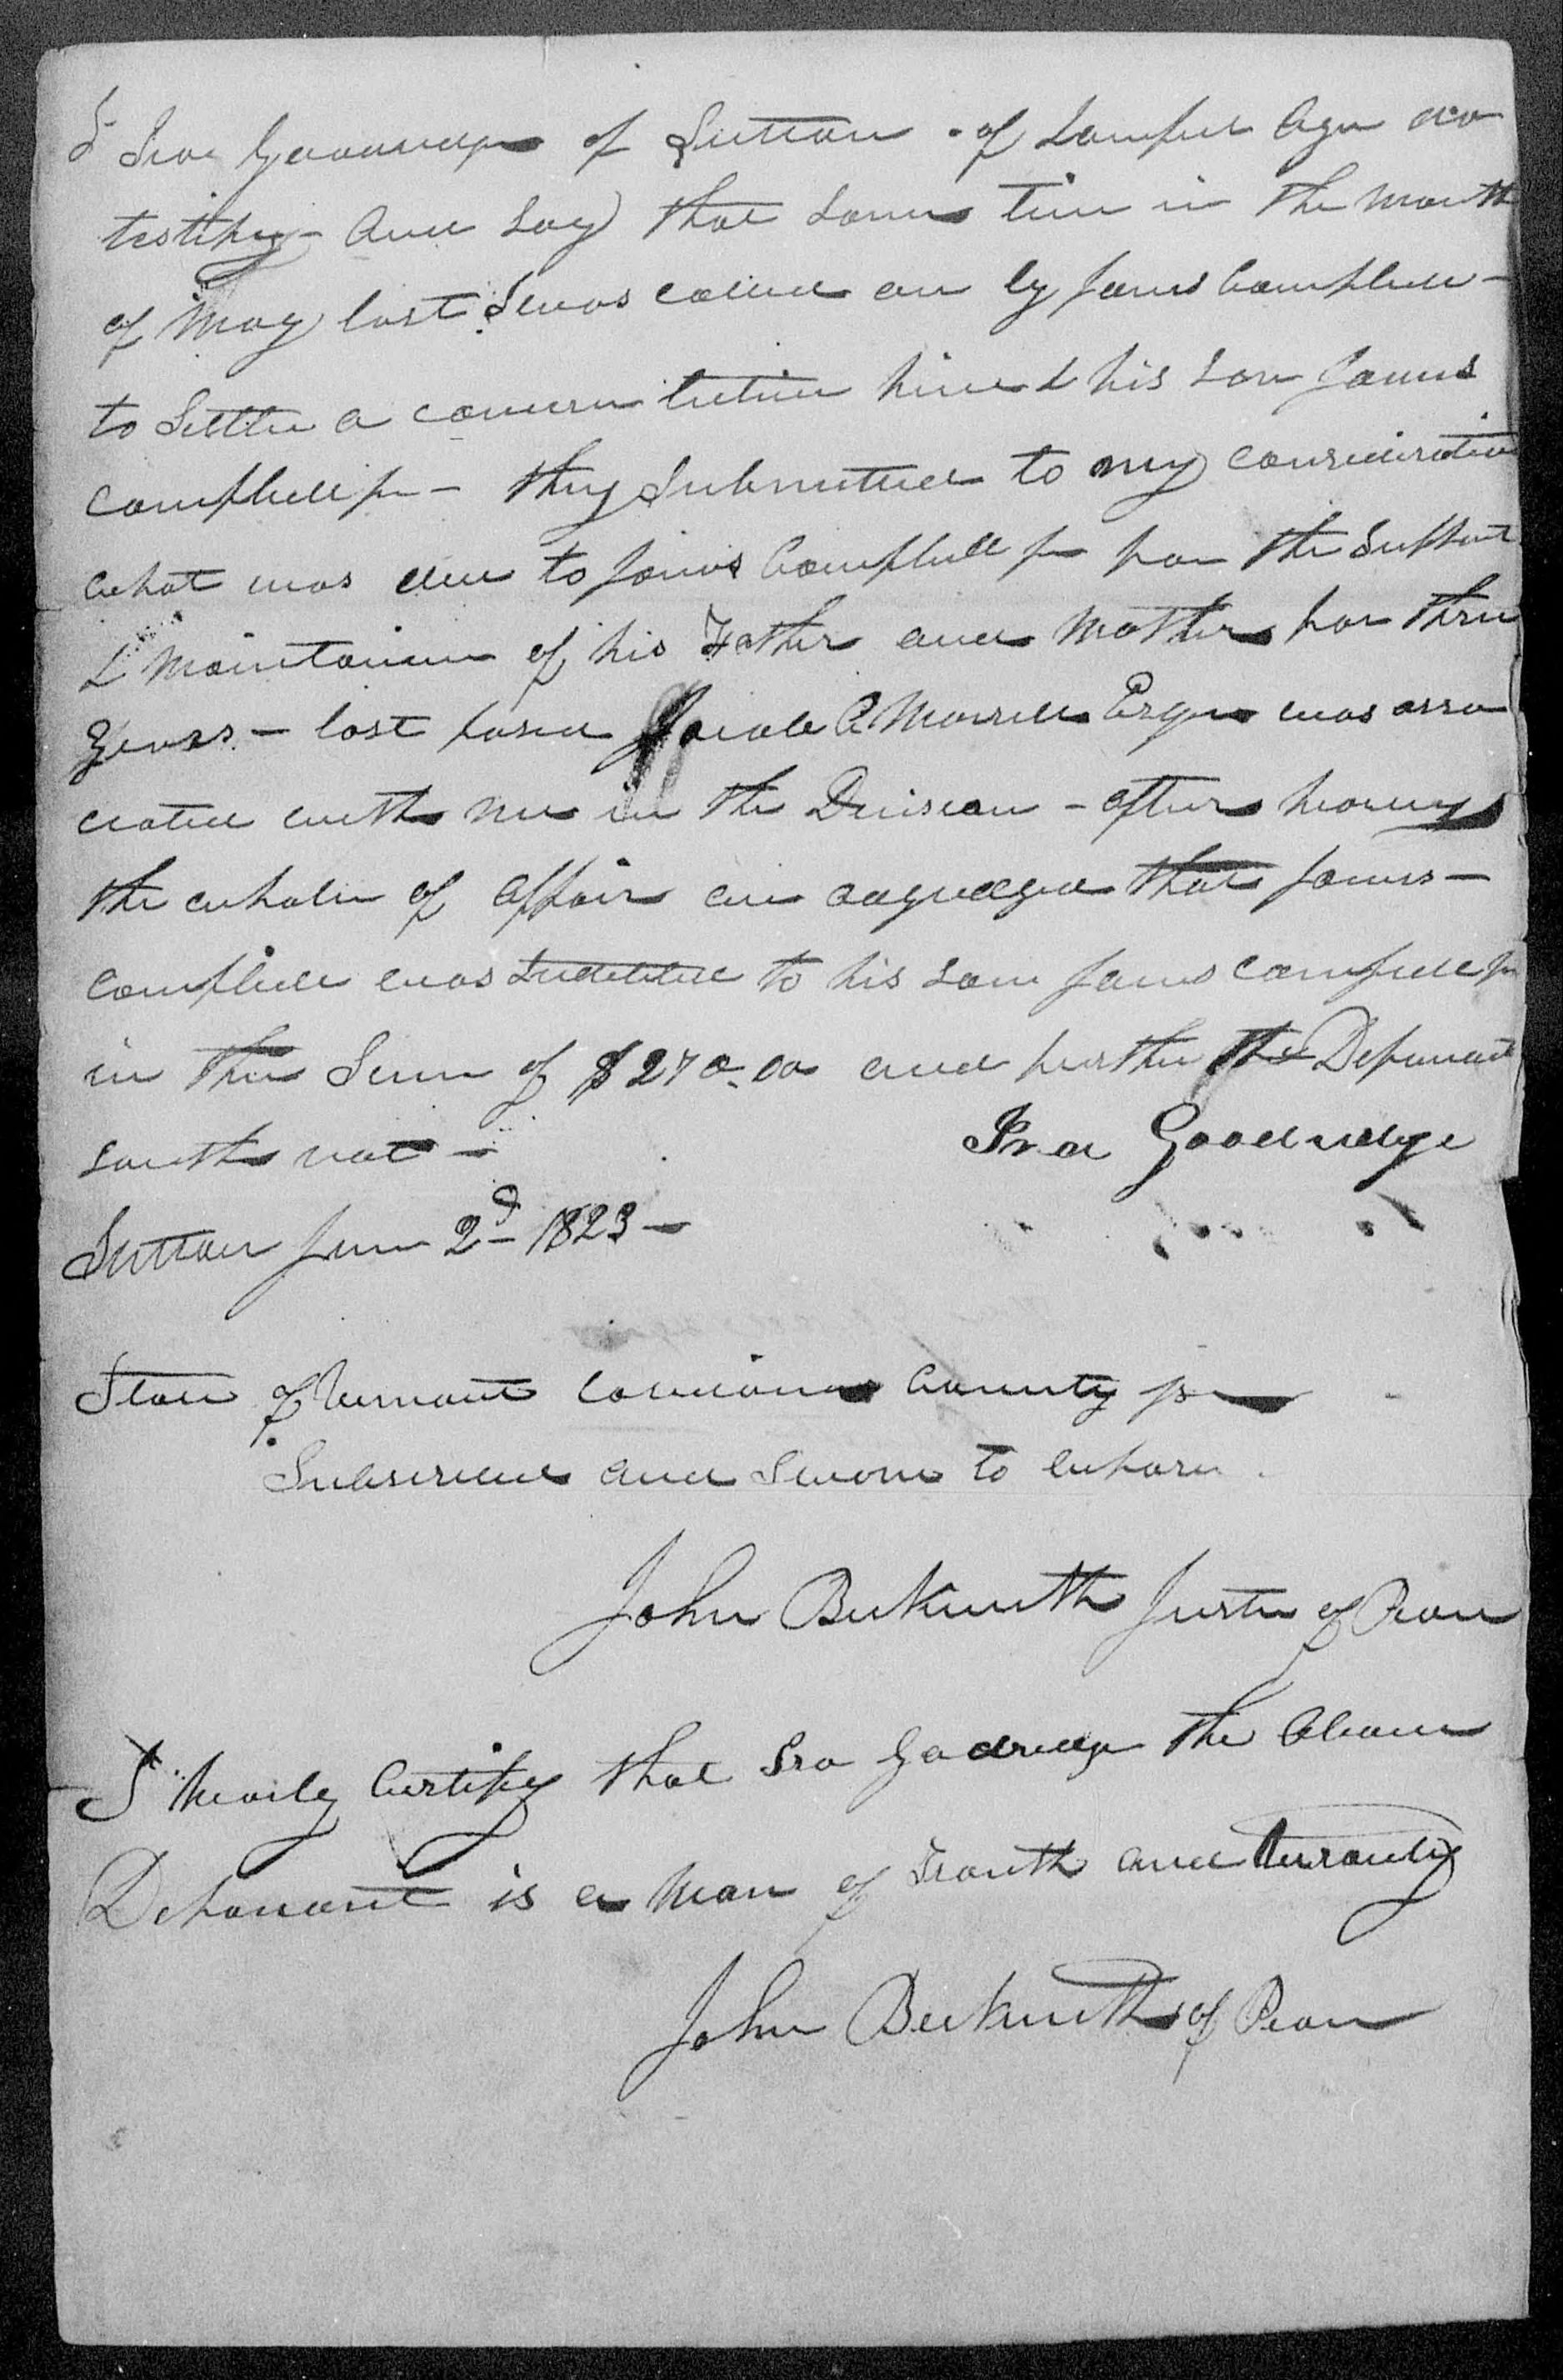I Ira Goodridge of Sutton of Lawful aged do
testify, and say that some time in the month
of May last I was called on by James Campbell -to Settle a concern between him & his son James Cambell Jr - they Submitted to my consideration
what was due to James Campbell Jr for the Support & maintenance of his Father and mother for three years - last pased (passed) Jacob A Morrell Esq was associated with me in the Decision - after hearing the whole of affair was adjudged that James Campbell was indebted to his son James Campbell Jr in the sum of $270.00 and further the Deponent Saith not -
Ira Goodridge
Sutton June 2d - 1823 -

State of Vermont Caledonia County ss -
Subscribed and Sworn to before
John Beckwith Justice of Peace

I hereby certify that Ira Goodridge the above
Deponent is a man of Truth and Veracity
John Beckwith of Peace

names: John Beckwith, Jacob A Morrill, James Campbell, James Campbell, Ira Goodridge, James Campbell, James Campbell, John Beckwith, Ira Godridge, Ira Goodridge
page: 48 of 67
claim: widow's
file: W. 23772, James Campbell, Continental Mass.